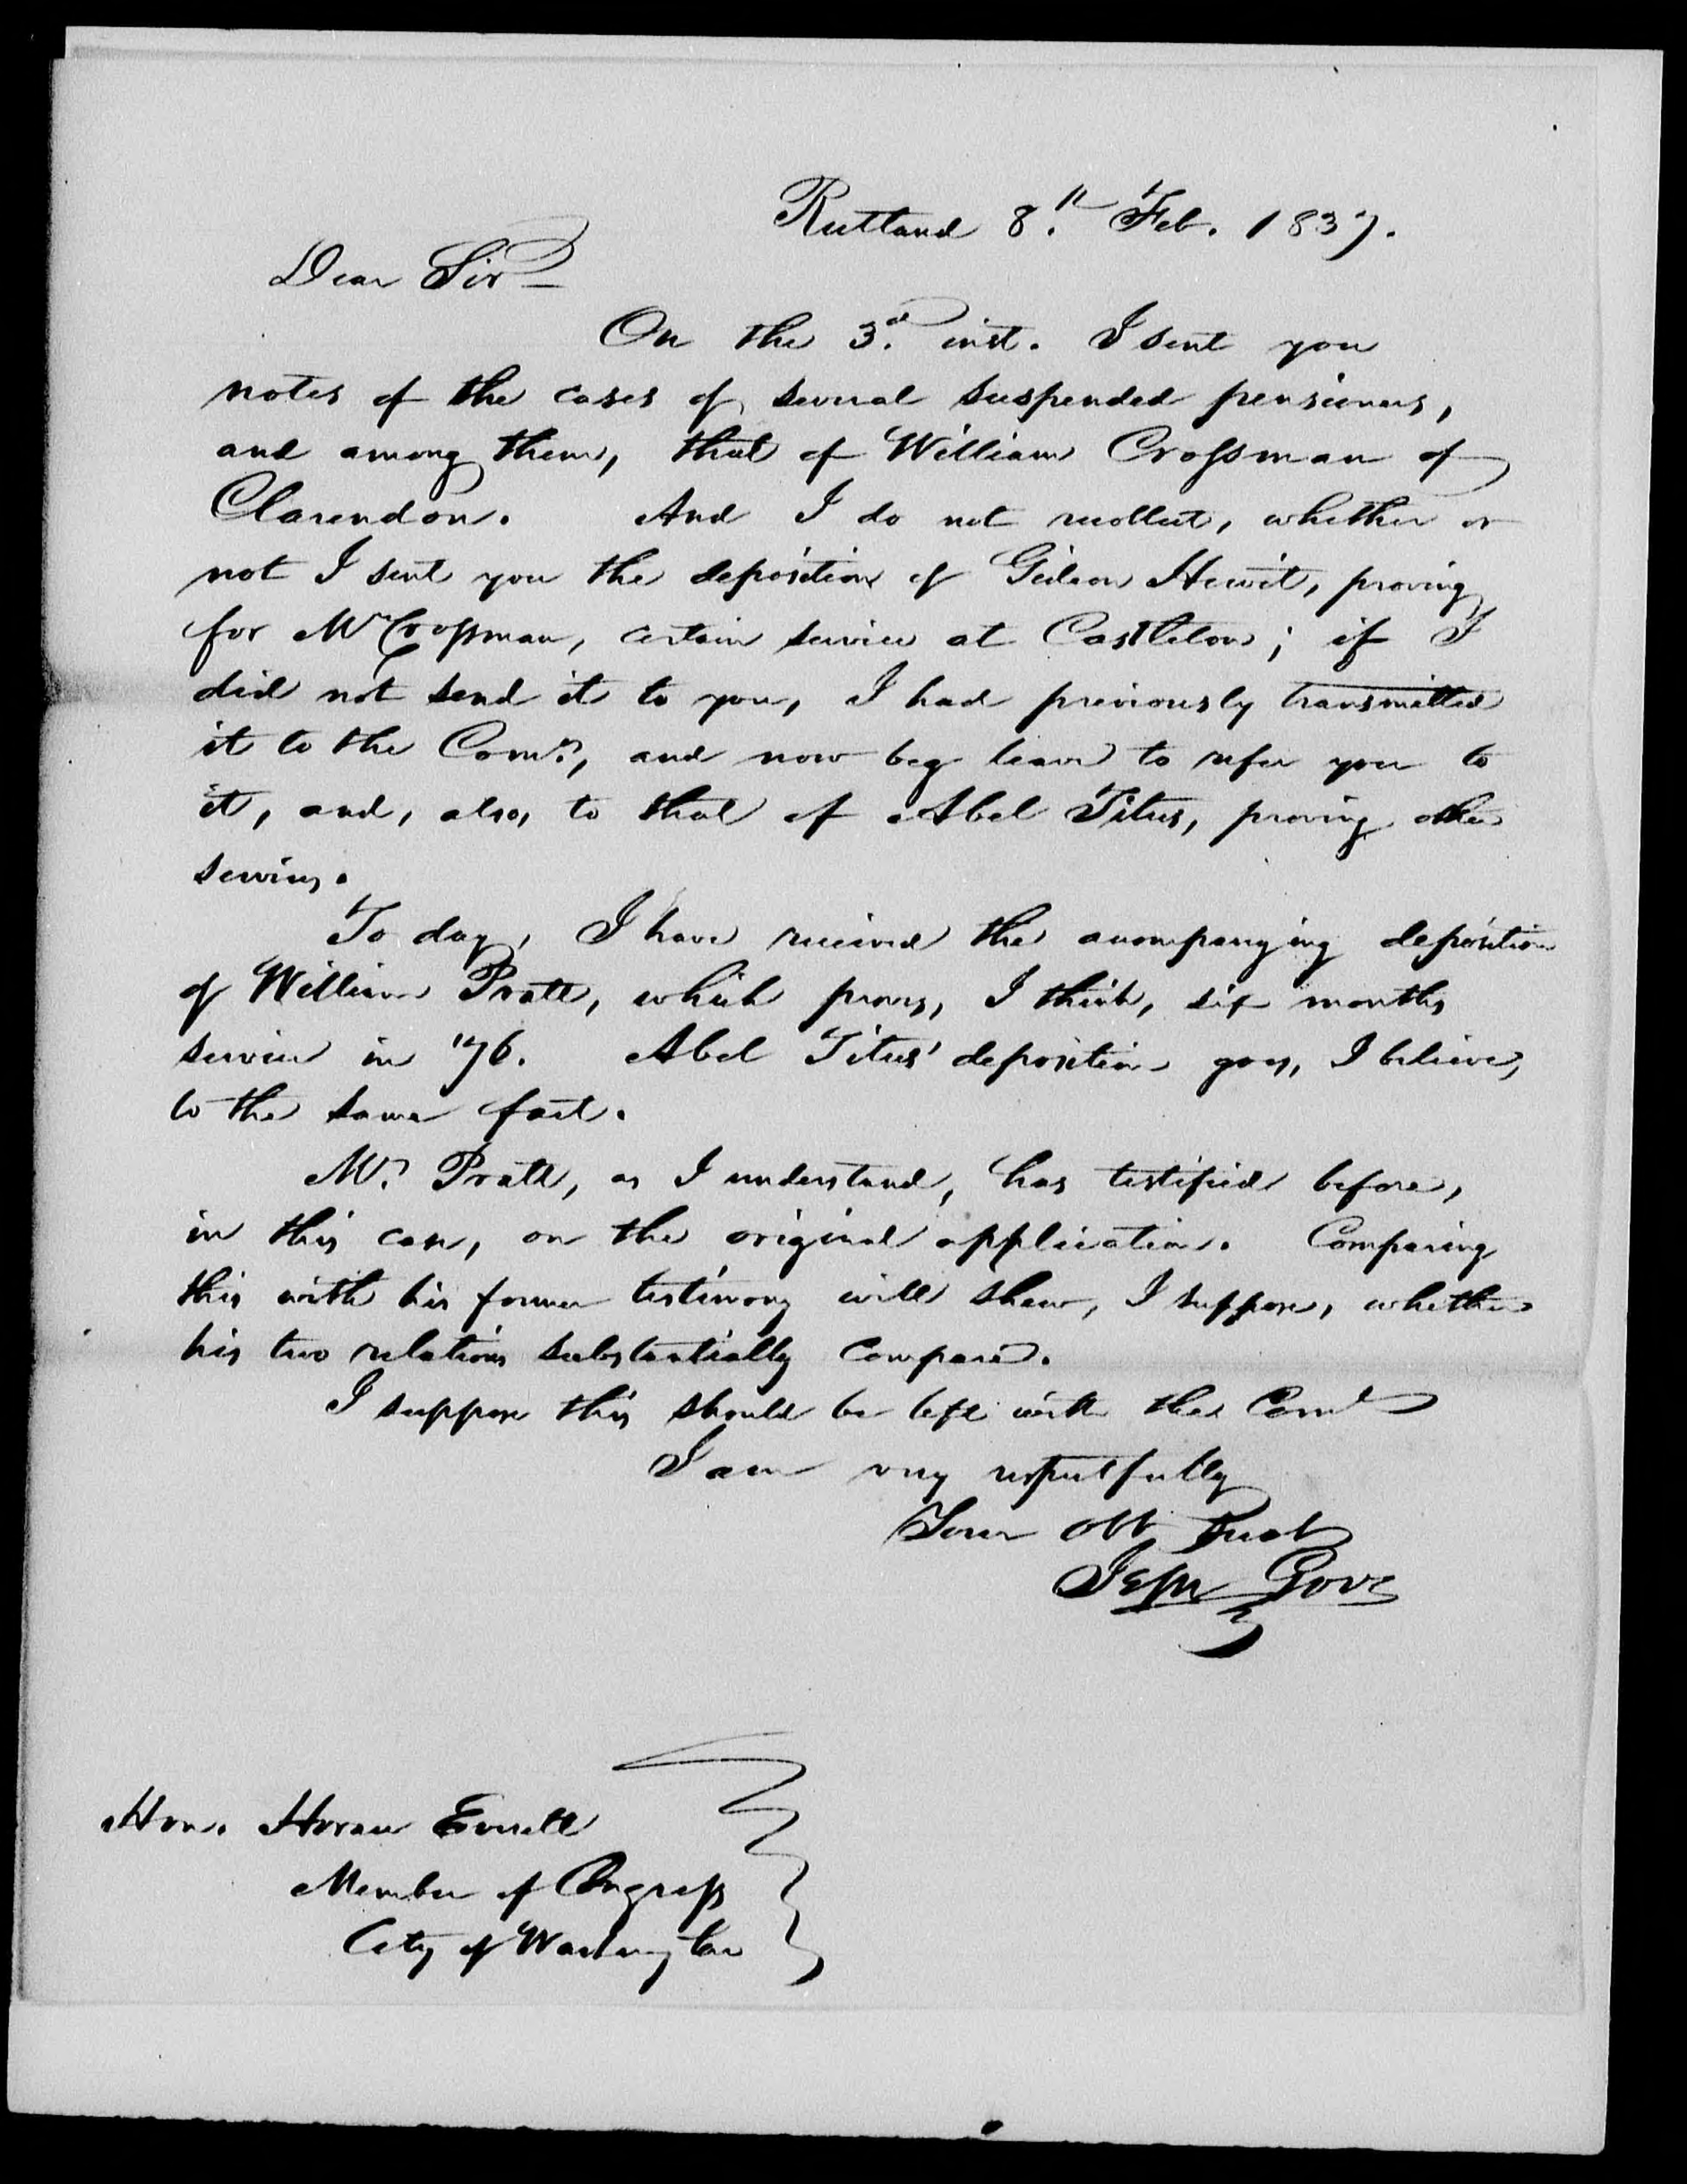[handwritten letter]
Rutland 8th Feb. 1837.

Dear Sir - 
On the 3d inst. I sent you notes of the cases of several suspended pensioners, and among them, that of William Crossman of Clarendon. And I do not recollect, whether or not I sent you the deposition of Gideon Hewit, proving for Wm Crossman, certain service at Castleton; if I did not send it to you, I had previously transmitted it to the Com'r, and now beg leave to refer you to it, and, also, to that of Abel Titus, proving other services.
Today, I have received the accompanying deposition of William Pratt, which proves, I think, six months service in '76. Abel Titus' deposition goes, I believe, to the same part. 
Mr. Pratt, as I understand, has testified before, in this case, on the original application. Comparing this with his former testimony will show, I suppose, whether his two relations substantially compare.
I suppose this should be left with the Com'r
I am very respectfully 
Your obt srvt
/s/Jesse Gove

Hon. Horace Everett
Member of Congress
City of Washington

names: Jesse Gove, Abel Titus, William Pratt, Abel Titus, William Crossman, Crossman, Horan Everett, Pratt, Gideon Hewit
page: 21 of 33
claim: survivor's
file: S. 12632, William Crossman, Mass. Vt.